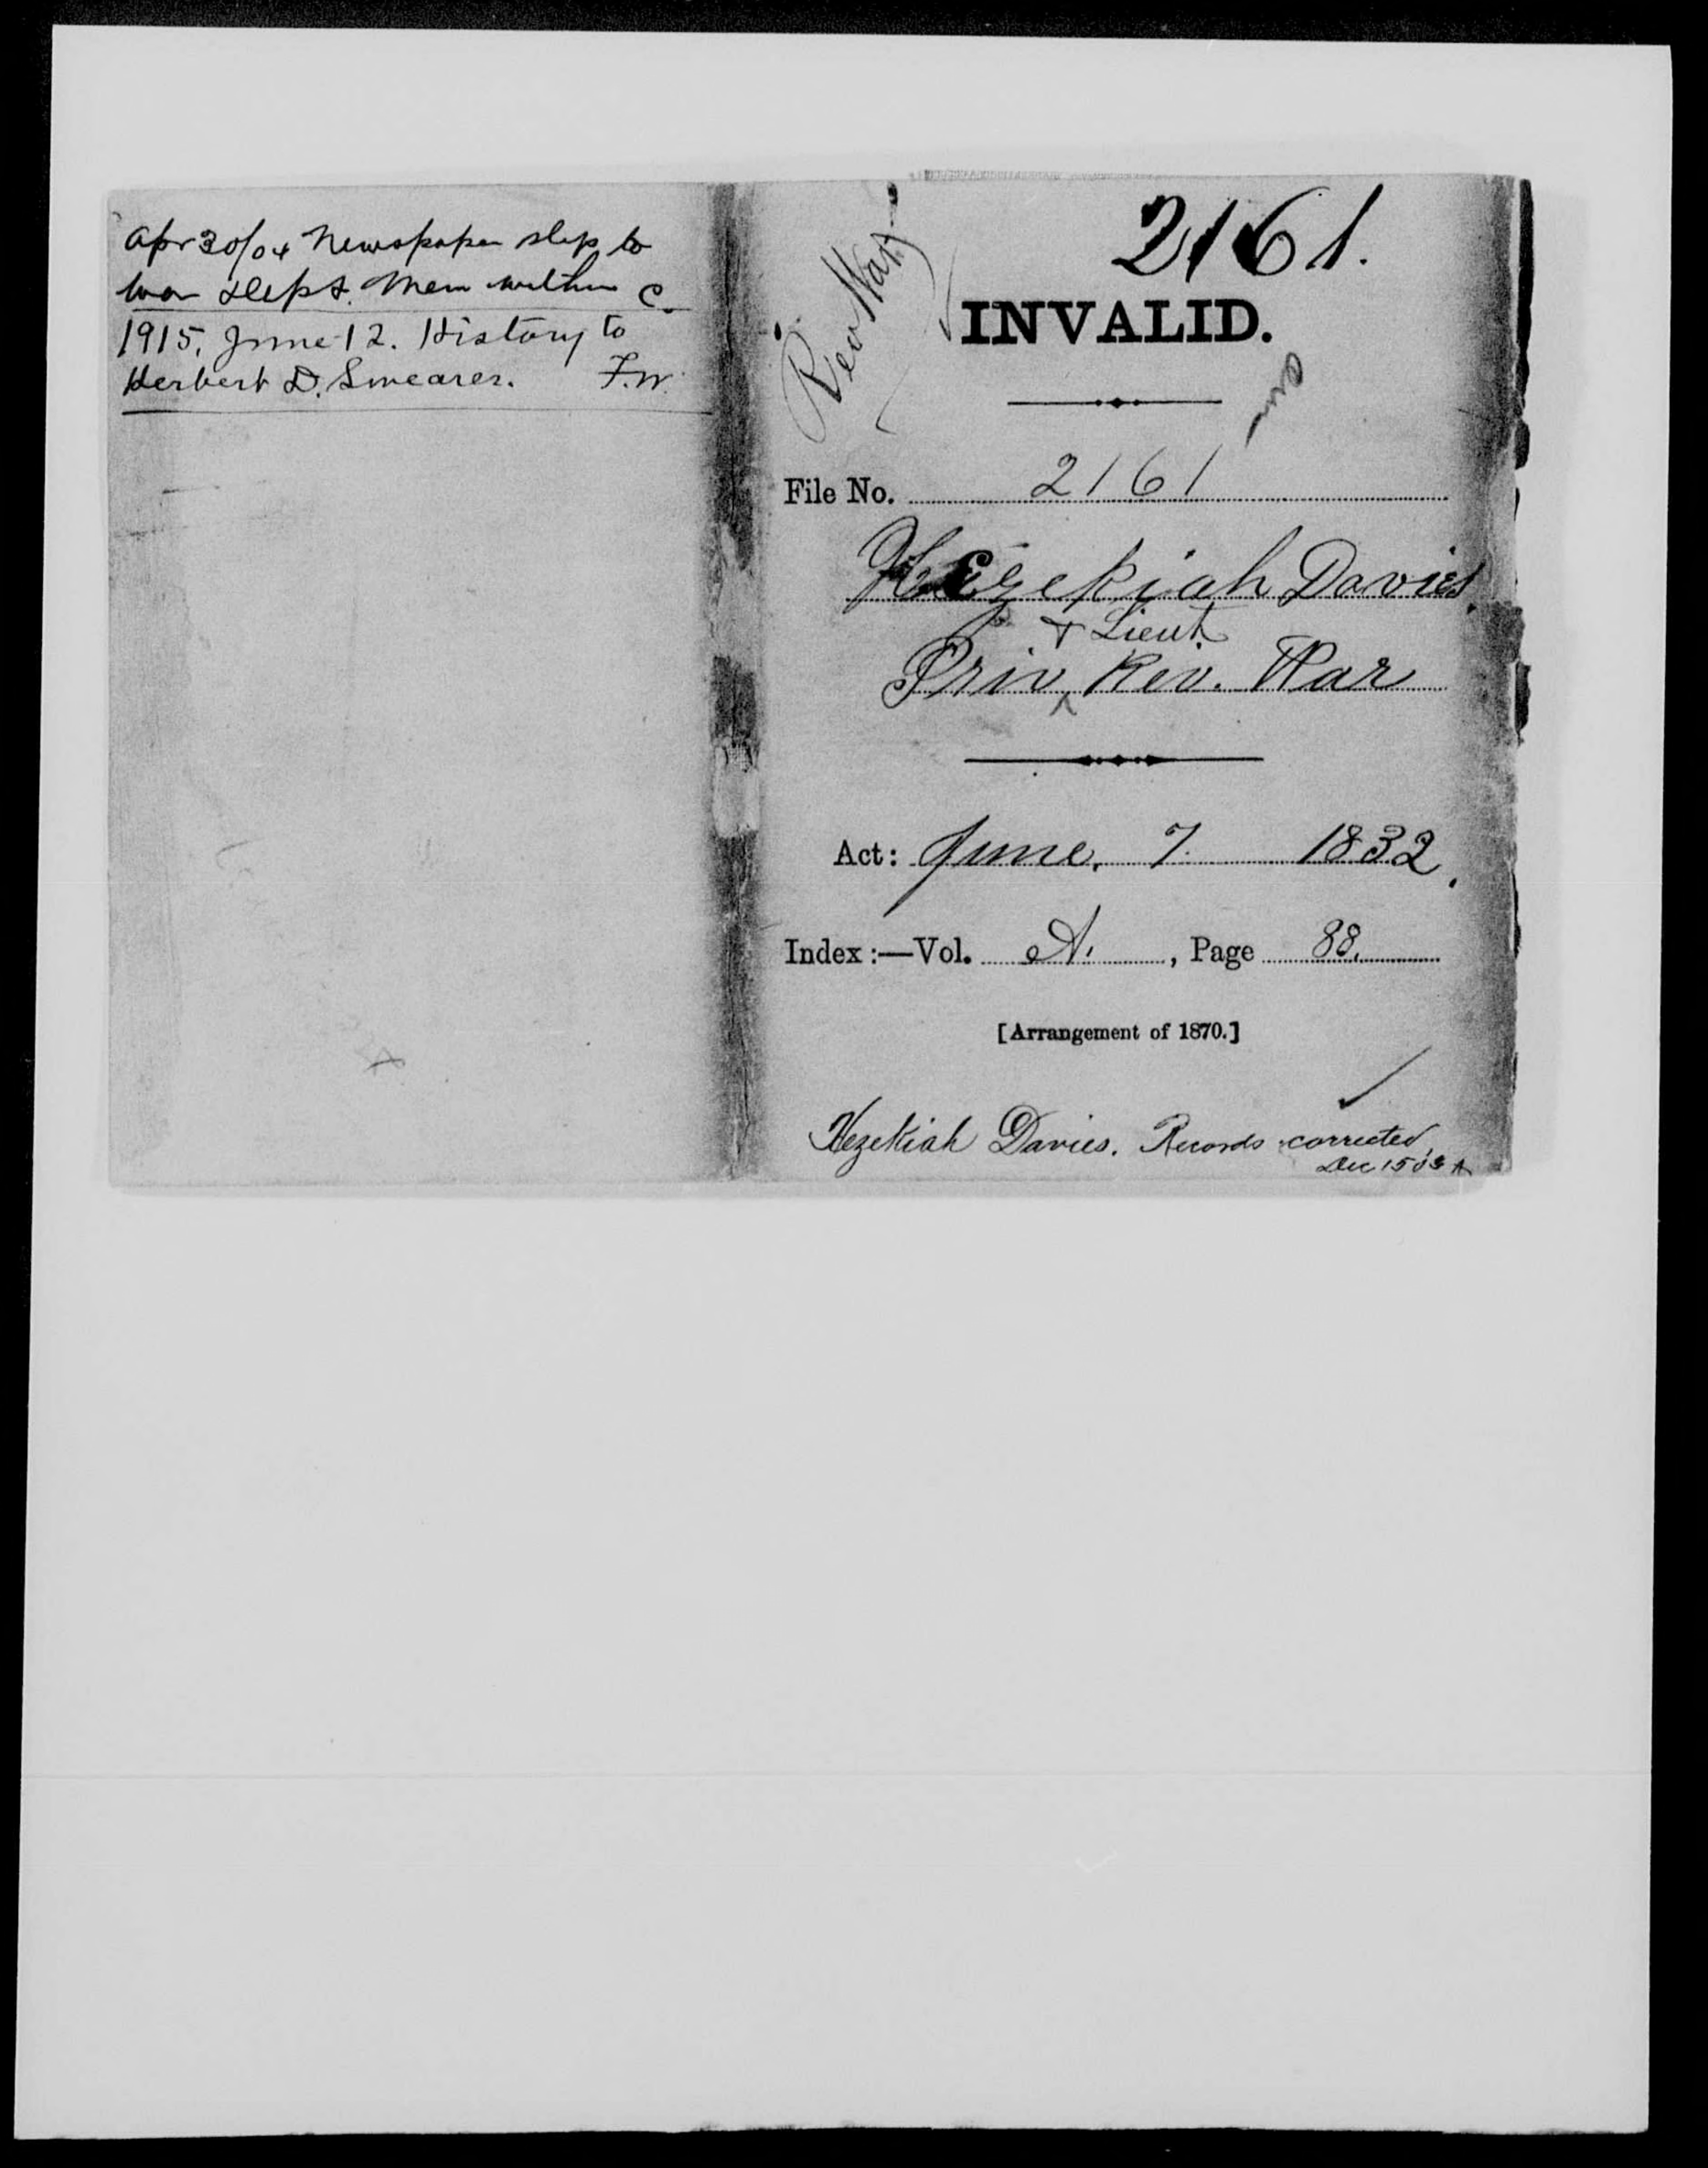Apr 30/04  Newspaper slip to
War Dept them within C.
1915. June 12. History to
Herbert D. Smearer.
F.W.

Rev War
2161
INVALID. 
[initialed] Our
File No. 2161

Hezekiah Davies
Priv & Lieut Rev. War
Act: June 7. 1832
Index: -- Vol. A, Page 88
[Arrangement of 1870.]
Hezekiah Davies, Records corrected
Dec 15 jsa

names: Hezekiah Davies, Herbert D Swearer, Hezekiah Davies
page: 38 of 57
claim: survivor's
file: S. 2161, Hezekiah Davies, Penn